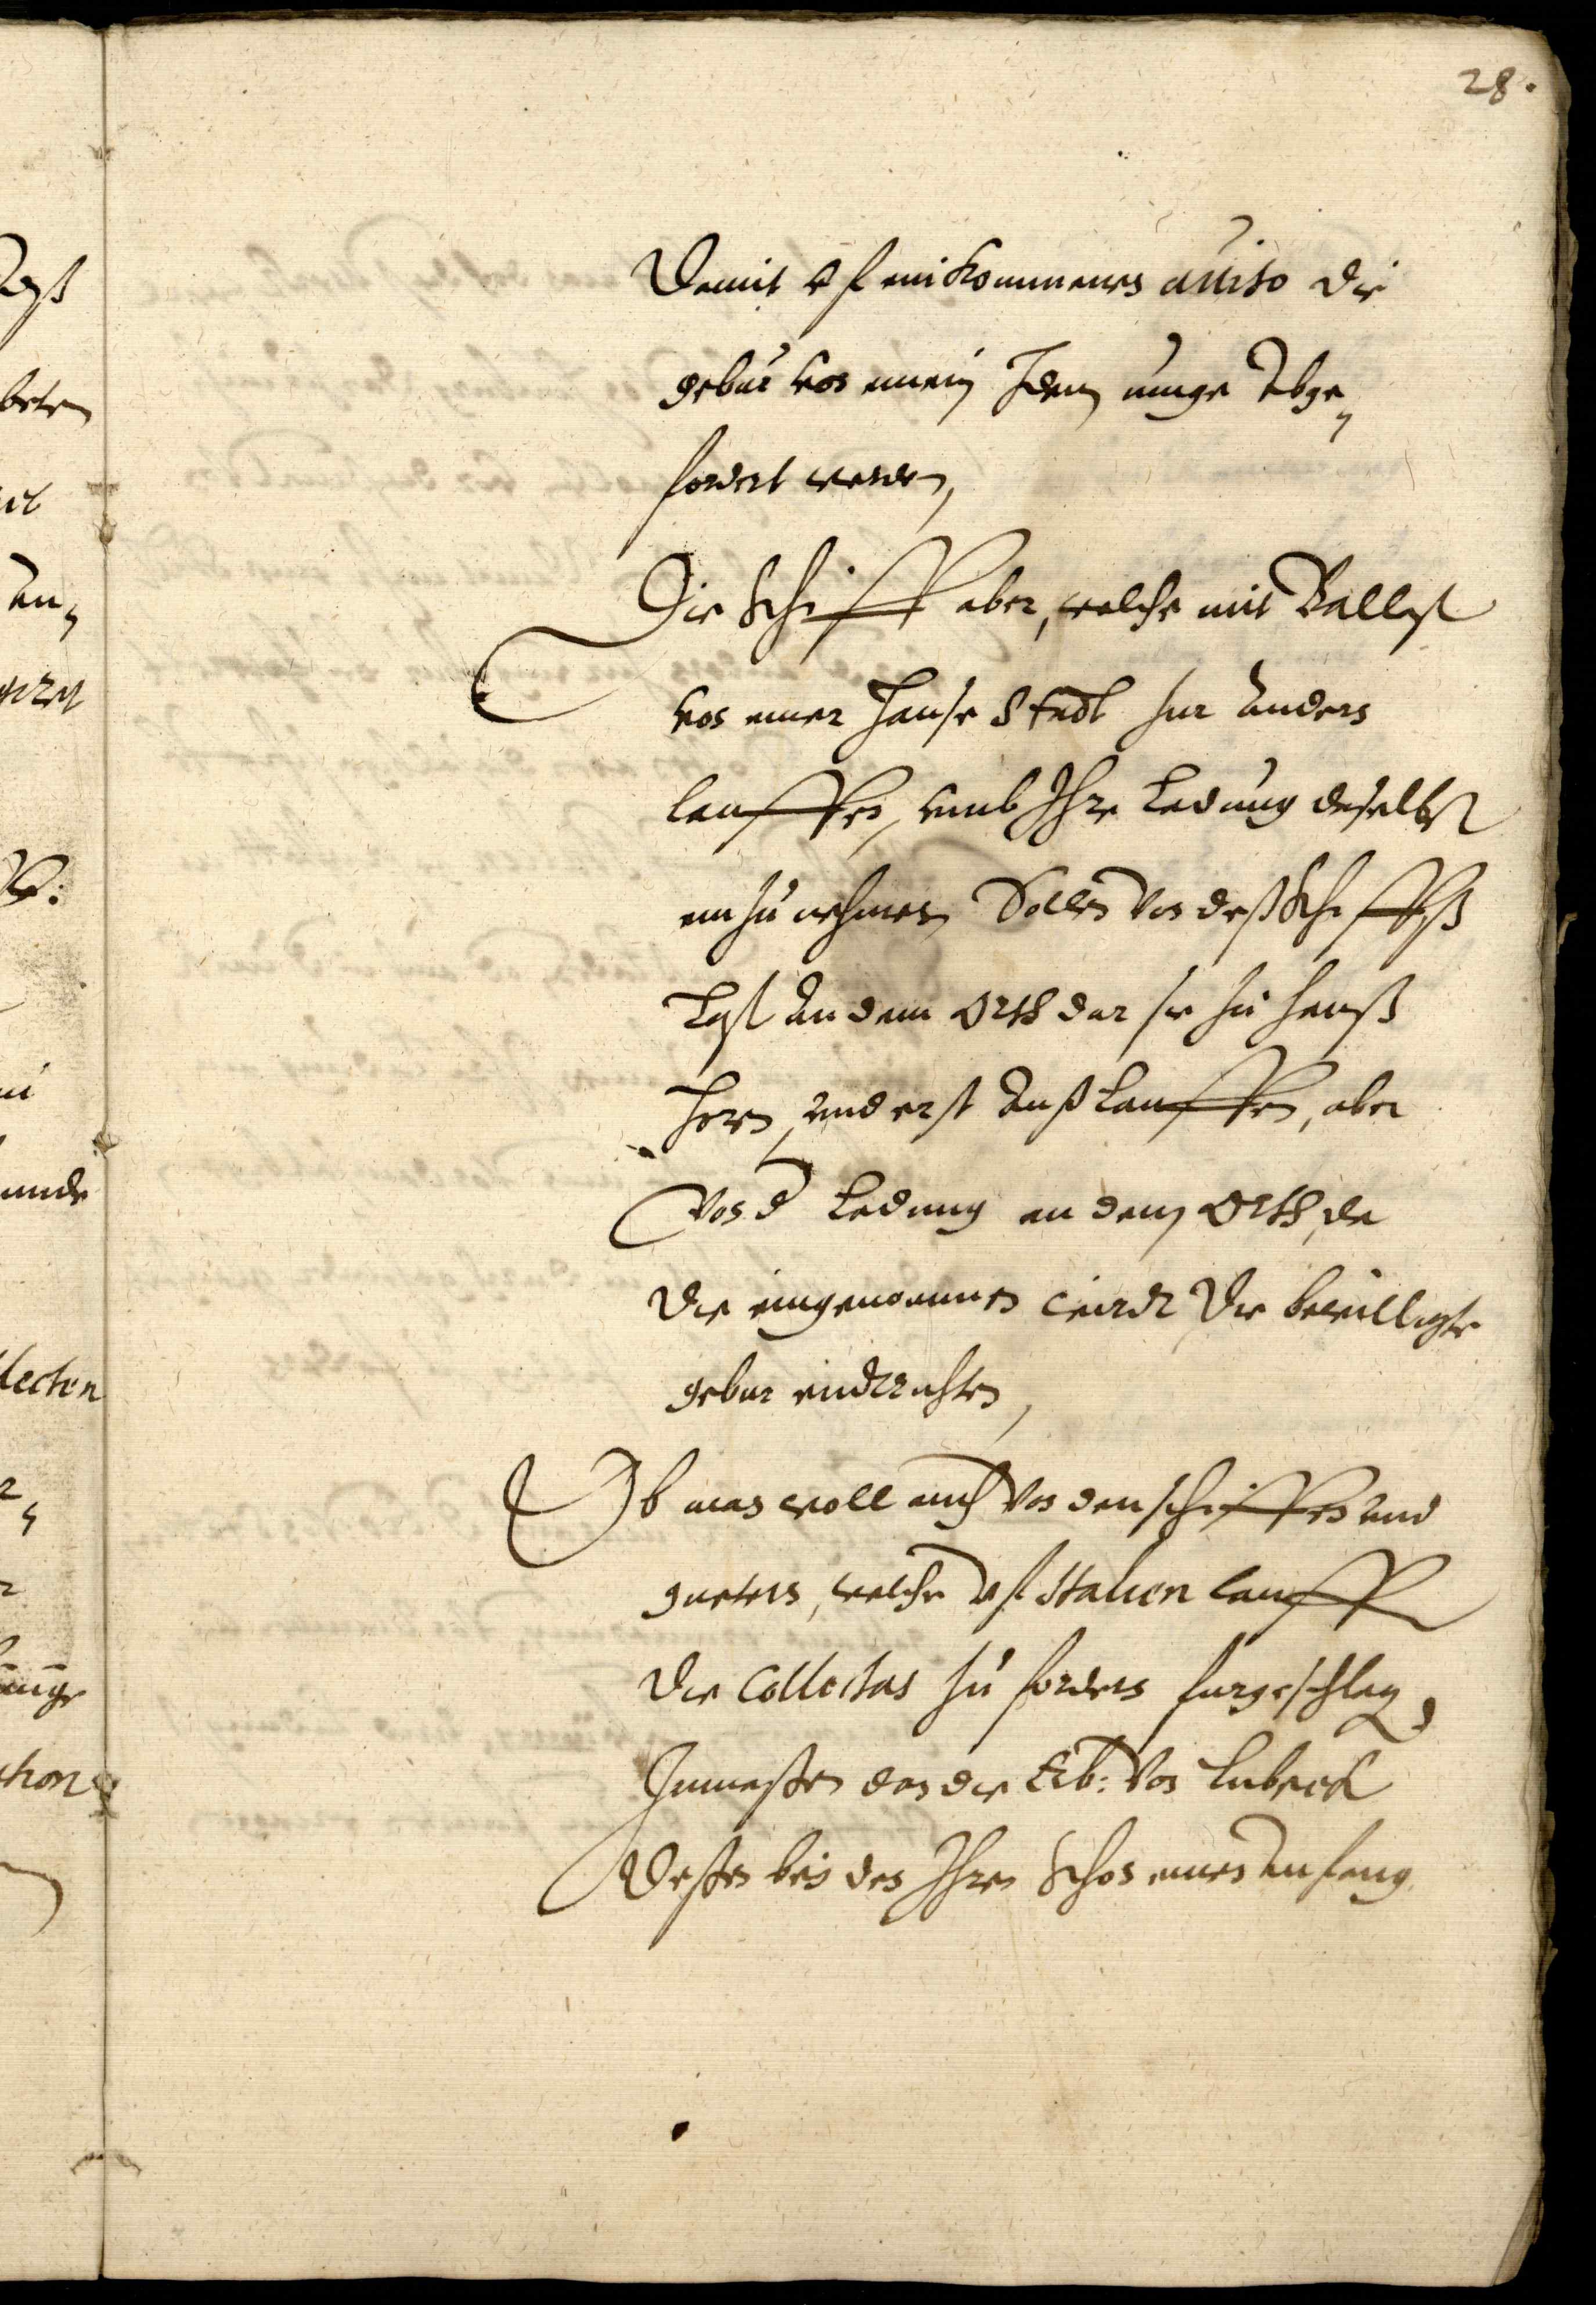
28.
Damit vf einkommen auitzo die
gebur von eines herren umge Abge¬
fordert werden,
Die Schiff aber, welche mit Ballast
von einer hanse Stadt zur Andern
lauffen, vmb Ihre Ladung daselbst
einzunehmen Sollen von deß Schiffß
Last An dem Orth dar sie zu hauß
horen, vnd erst Auß Lauffen, aber
von der Ladung an dem Ort, die
Die eingenommen wirdt Die bewilligte
gebur endtrichten,
Ob man woll auch von den schiffen vnd
guetern, welche vf Italien lauffen
die Collectas zu fordern furgeschlagen,
???sen das die Erb: von Lubeck
Desen bei den Ihren Schon einen Anfang.
